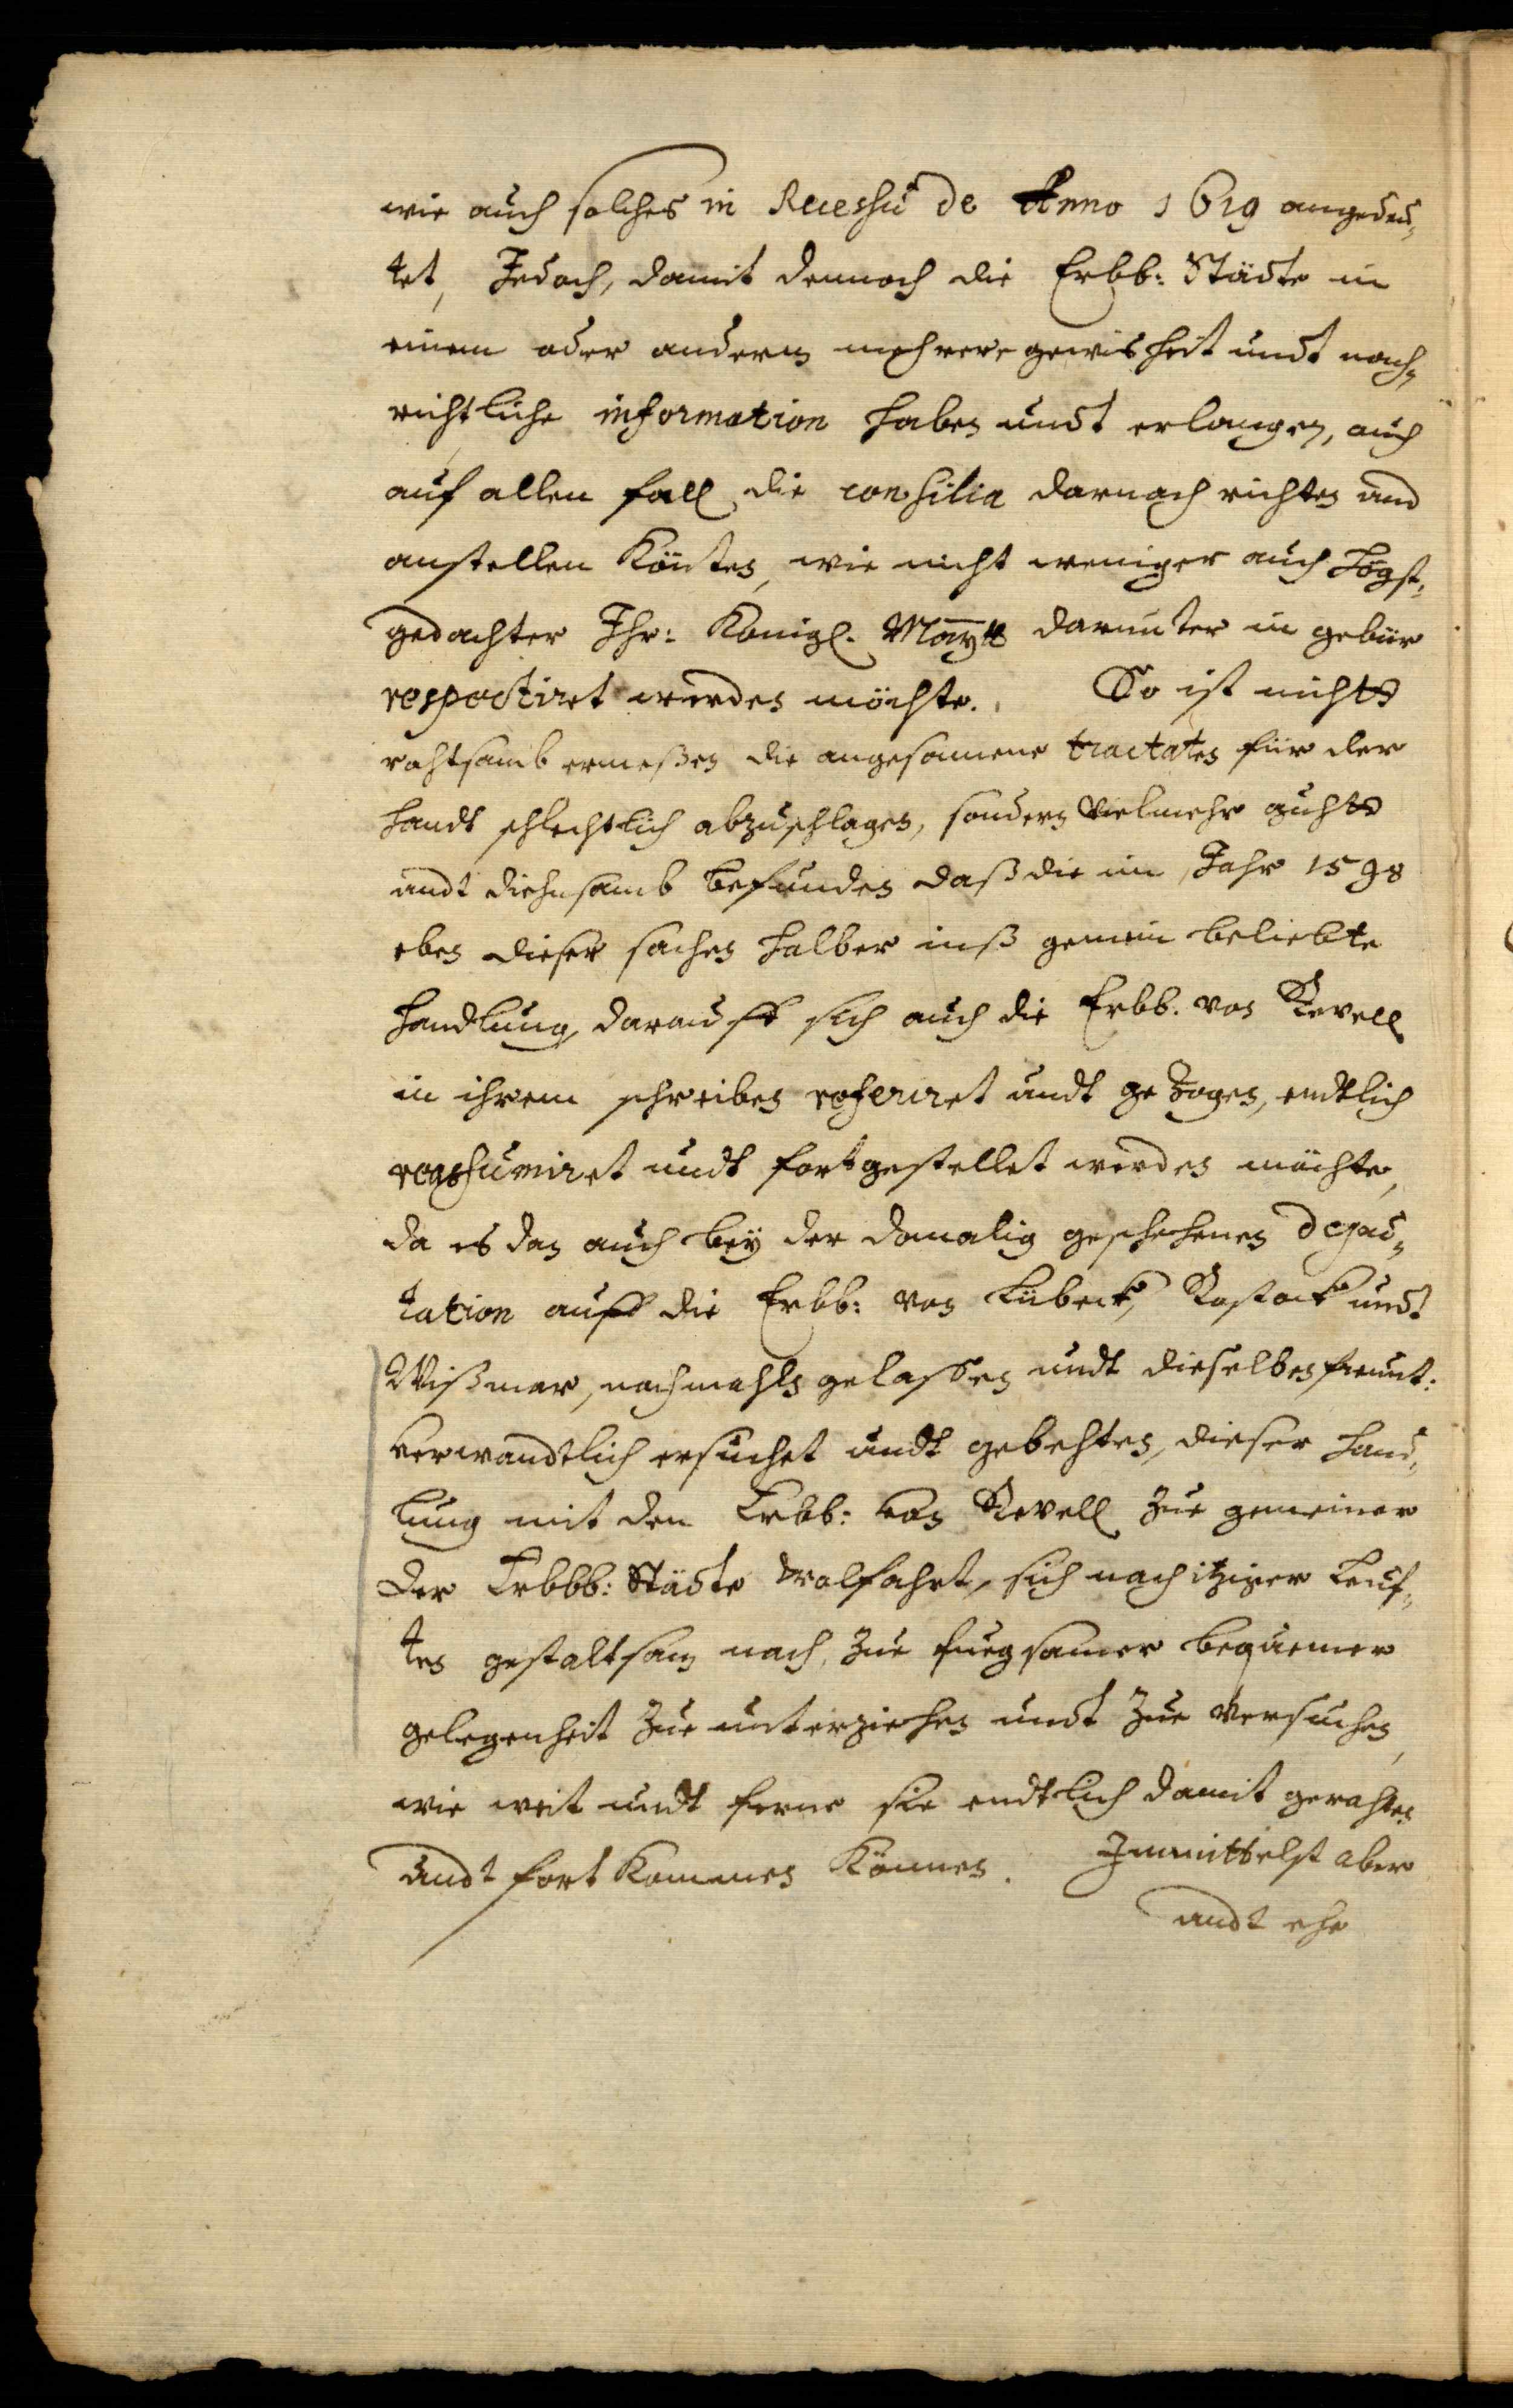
wie auch solches in Recessu de Anno 1619 angedeu¬
tet, Iedoch, damit dennoch die Erbb: Städte in
einem oder anderm mehrere gewisheit undt nach¬
richtliche information haben undt erlangen, auch
auf allen fall, die consilia darnach richten und
anstellen könten, wie nicht weniger auch högst¬
gedachter Ihr: Konigl. Maijtt darunter in gebür
respectiret werden möchte. So ist nichtt
rahtsamb ermeßen die angesamene tractaten für der
handt schlechtlich abzuschlagen, sondern Vielmehr guhtt
undt diehnsamb befunden daß die im Jahr 1598
eben dieser sachen halber inß gemein beliebte
handlung, darauff sich auch die Erbb. von Revell
in ihrem schreiben referiret undt gezogen, endtlich
reassumiret undt fortgestellet werden möchte,
da es dan auch beij der damalig geschehenen dejad¬
tation auff die Erbb: von Lübeck, Rostock undt
Wißmar, nochmahln gelassen undt dieselben freundt¬
verwandtlich ersuchet undt gebehten, dieser hand¬
lung mit den Erbb: von Revell zue gemeiner
der Erbbb: Städte wolfahrt, sich nach itziger leuf¬
ten gestaltsam nach zue fuegsamer bequemer
gelegenheit zue unterziehen undt zue versuchen,
wie weit undt ferne sie endtlich damit gerahten
undt fort kommen können. Immittelst aber
undt ehe
